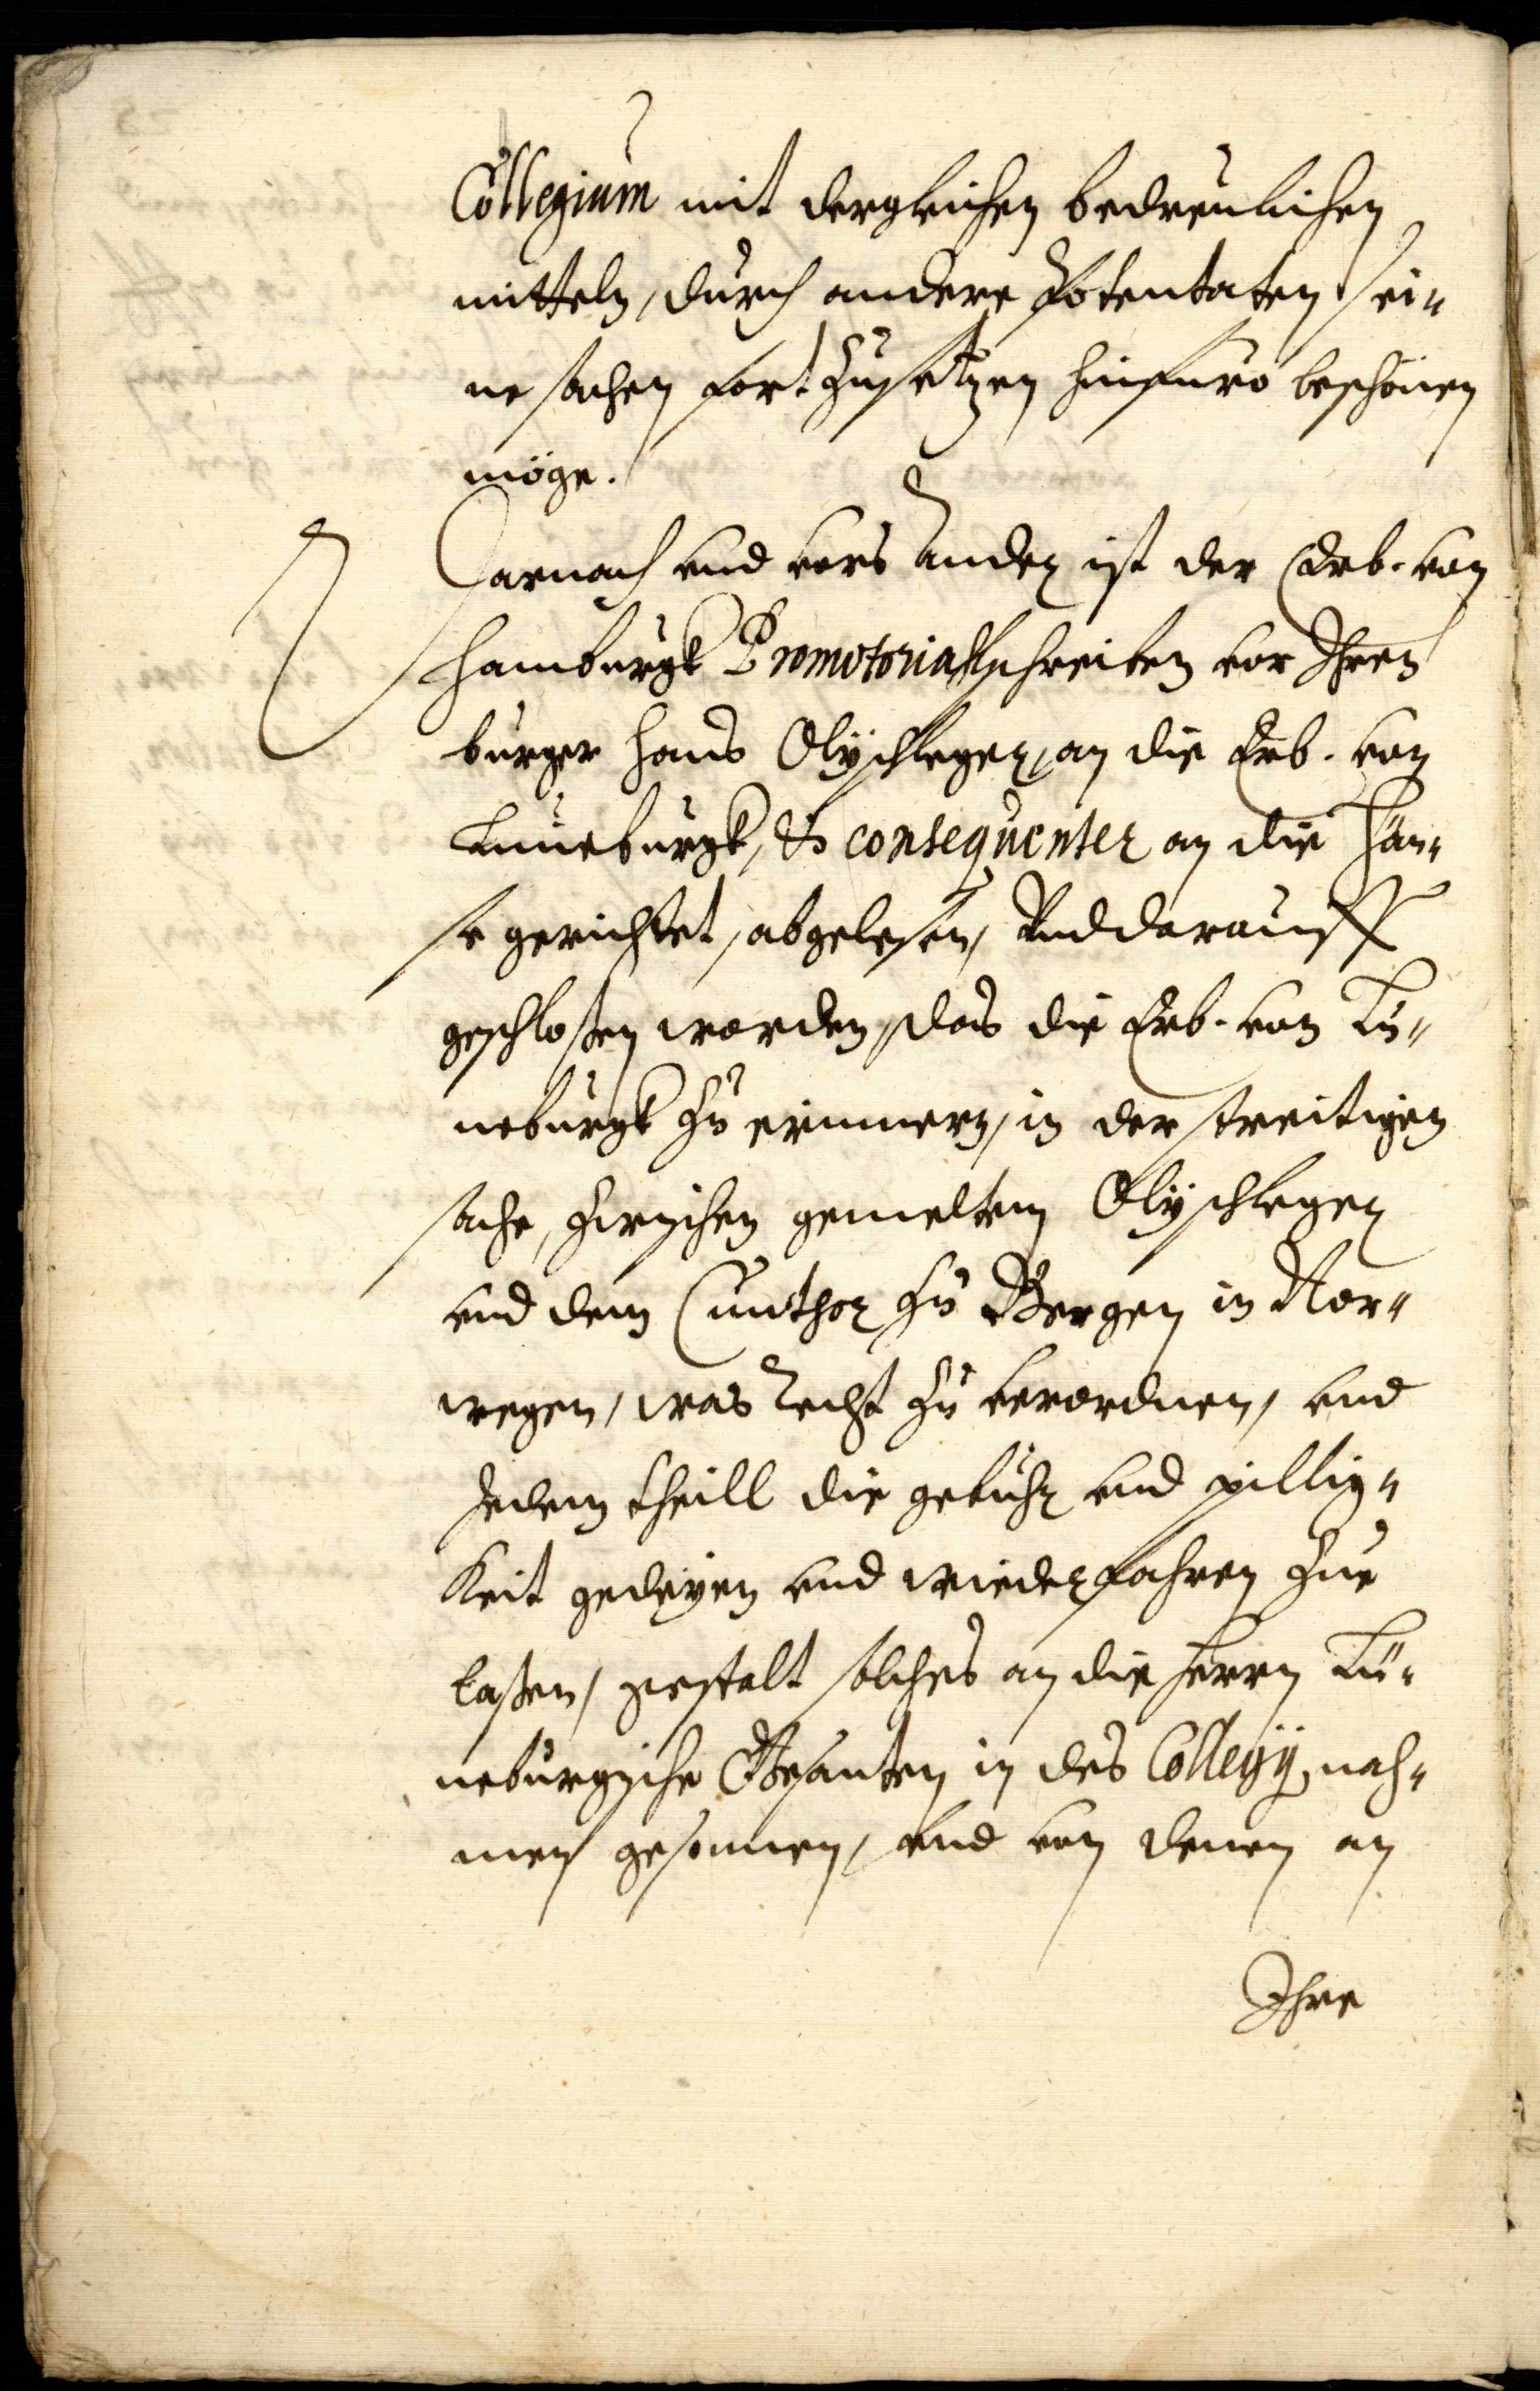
Collegium mit dergleichen bedreulichen
mitteln, durch andere Potentaten sei¬
ne sachen fortzusetzen hinfuro beschönen,
möge.
Darnach vnd vors Ander ist der Erb. von
Hamburgk Promotorialschreiben vor Ihren
burger Hans Olijschleger, an die Erb: von
Luneburgk, et consequenter an die Hän¬
se gerichtet, abgelesen, Vnd darauff
geschloßen worden, das die Erb. von Lu¬
neburgk zu erinnern, in der streitigen
sache, zwischen gemeltem Olijschleger
vnd dem Cunthor zu Bergen in Nor¬
wegen, was recht zu verordnen, vnd
jedem theill die gebuhr vnd pillig¬
keit gedeijen vnd wiederfahren zue
laßen, gestalt solches an die herrn Lü¬
neburgische Gesanten in des Collegij nah¬
men gesonnen, vnd von denen an
Ihre
